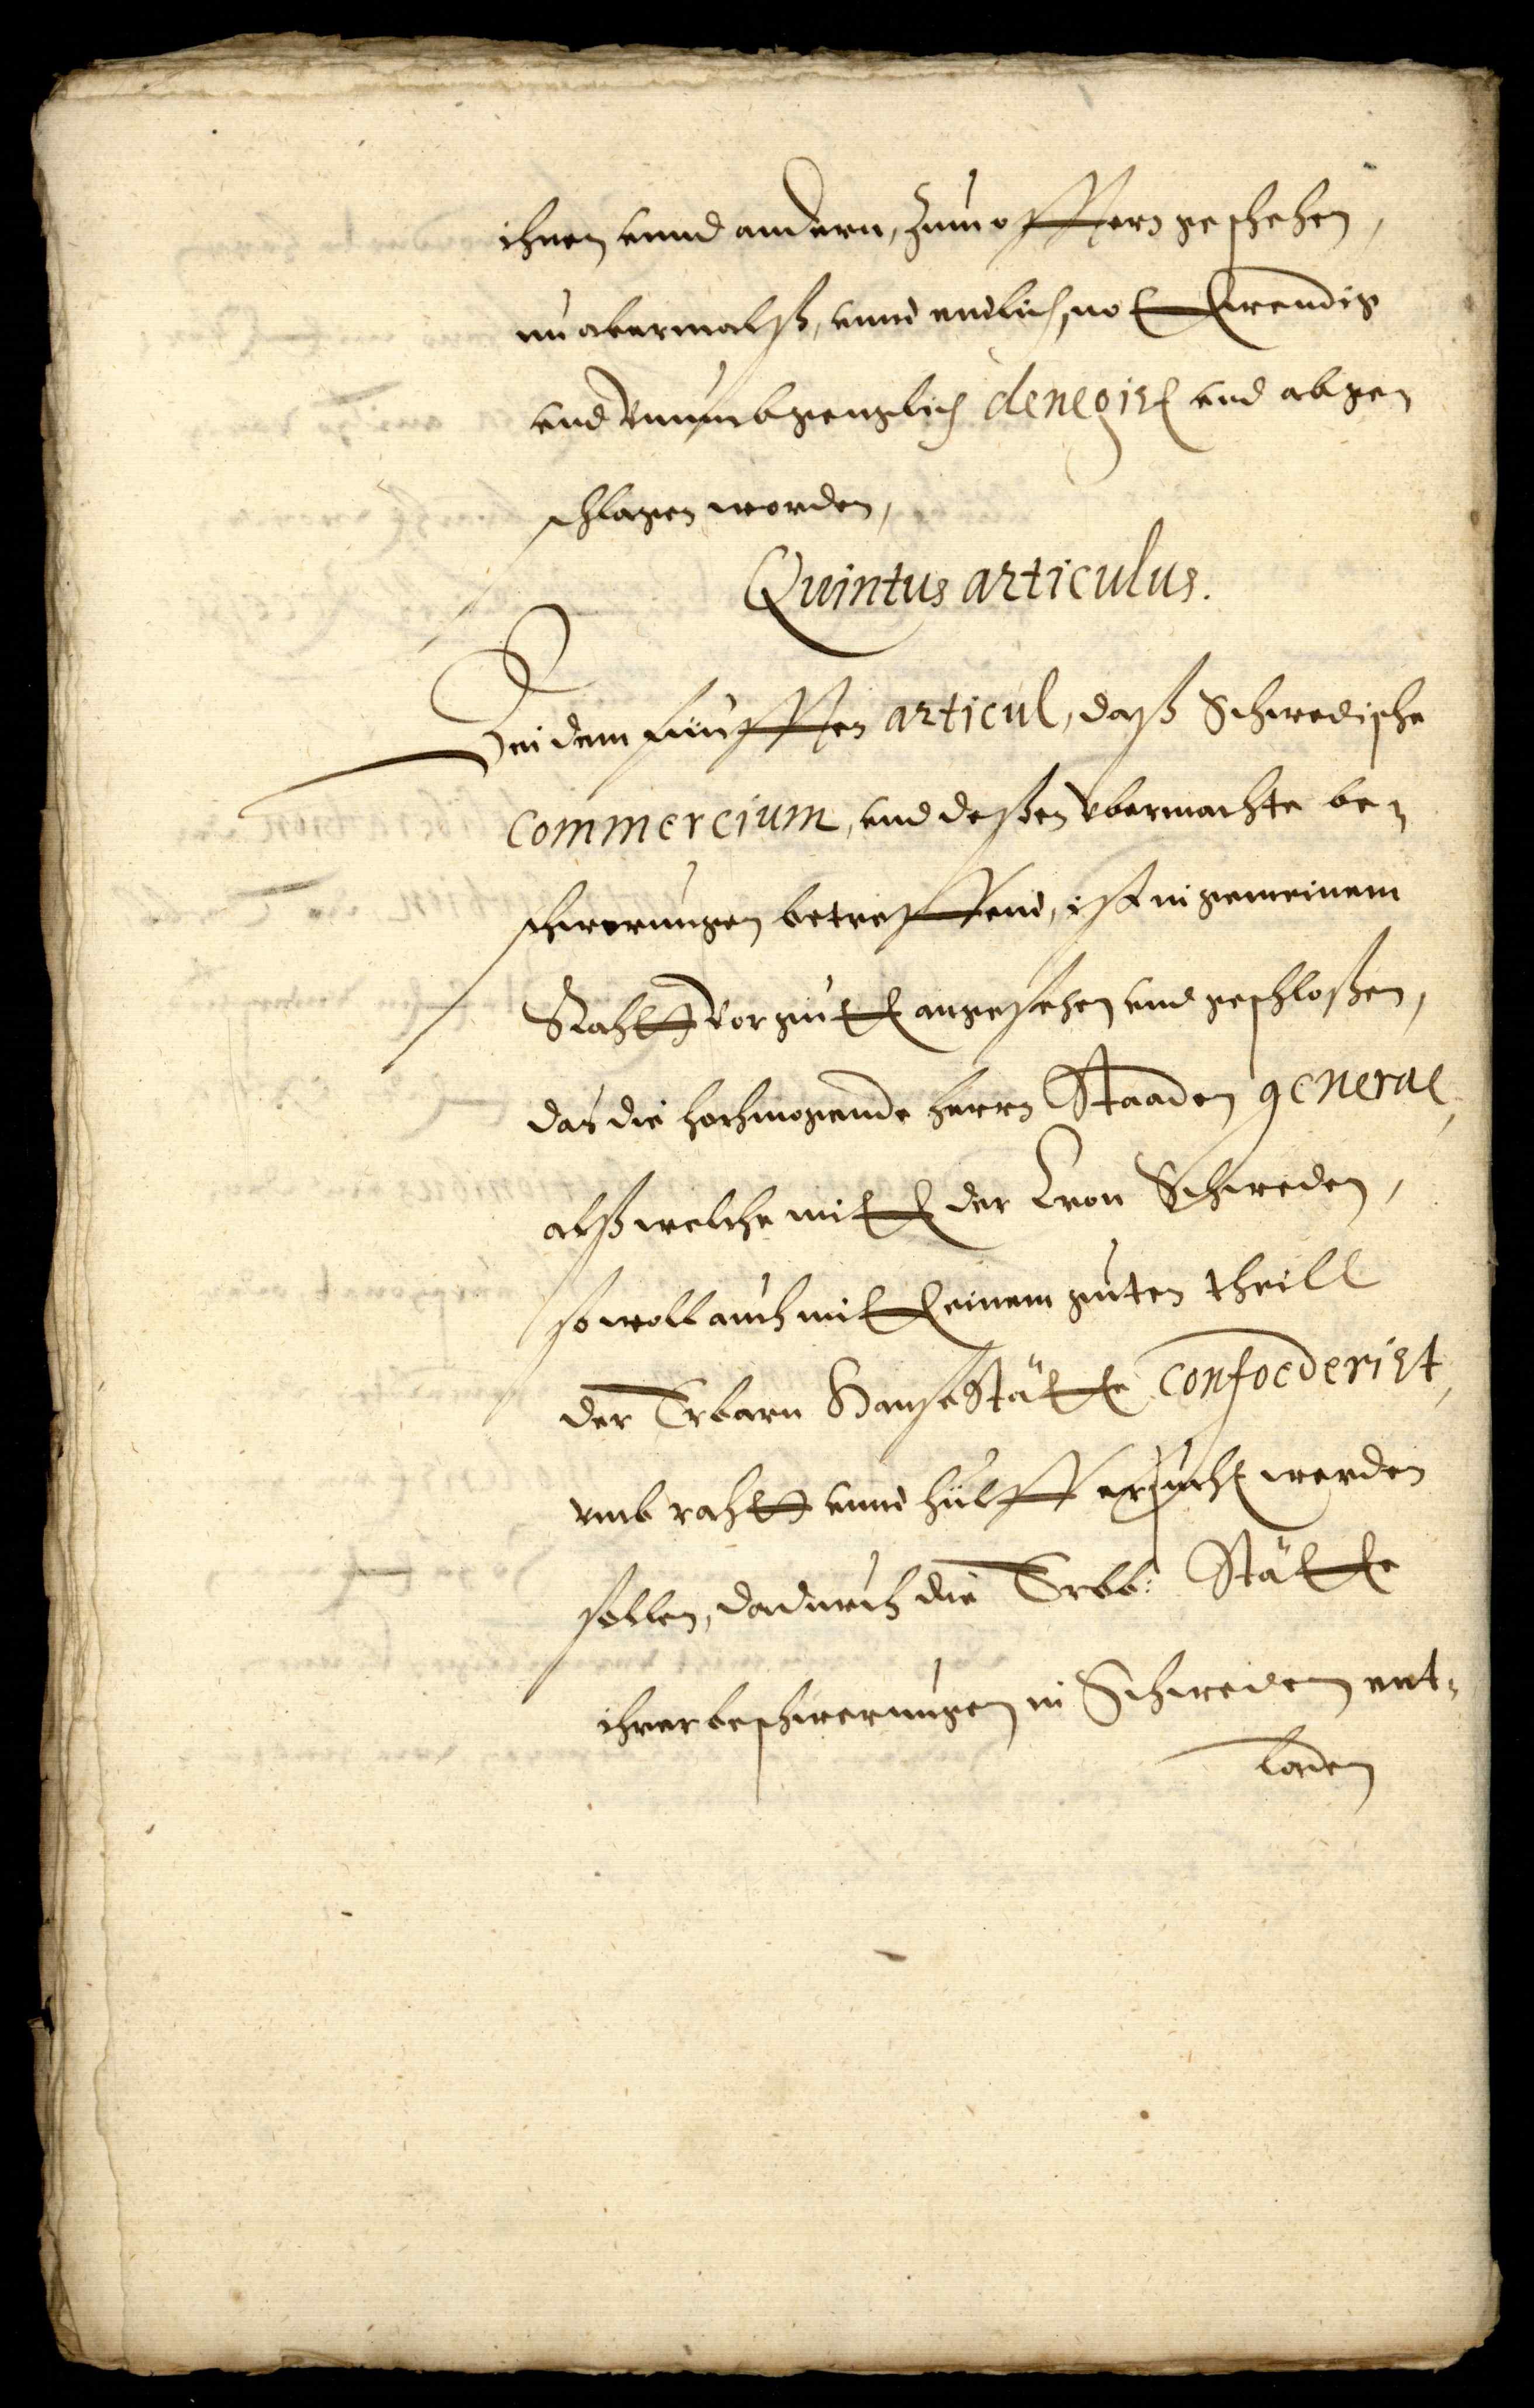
ihnen vnnd andern, Zum offtern geschehen,
nu abermalß, vnnd endlich, nottwendig
vnd vnumbgenglich denegirt vnd abge¬
schlagen worden,
Quintus articulus.
Bei dem fünfften articul, daß Schwedische
commercium, vnd deßen Vbermachte be¬
schwerungen betreffend, ist in gemeinem
Rahtt Vor gutt angesehen vnd geschloßen,
das die hochmogende herrn Staaden general,
alß welche mitt der Cron Schweden,
sowoll auch mitt einem guten theill
der Erbarn HanseStätte confoederirt,
vmb rahtt vnnd hülff ersucht werden
sollen, dadurch die Erbb: Stätte
ihrer beschwerungen in Schweden ent¬
laden
